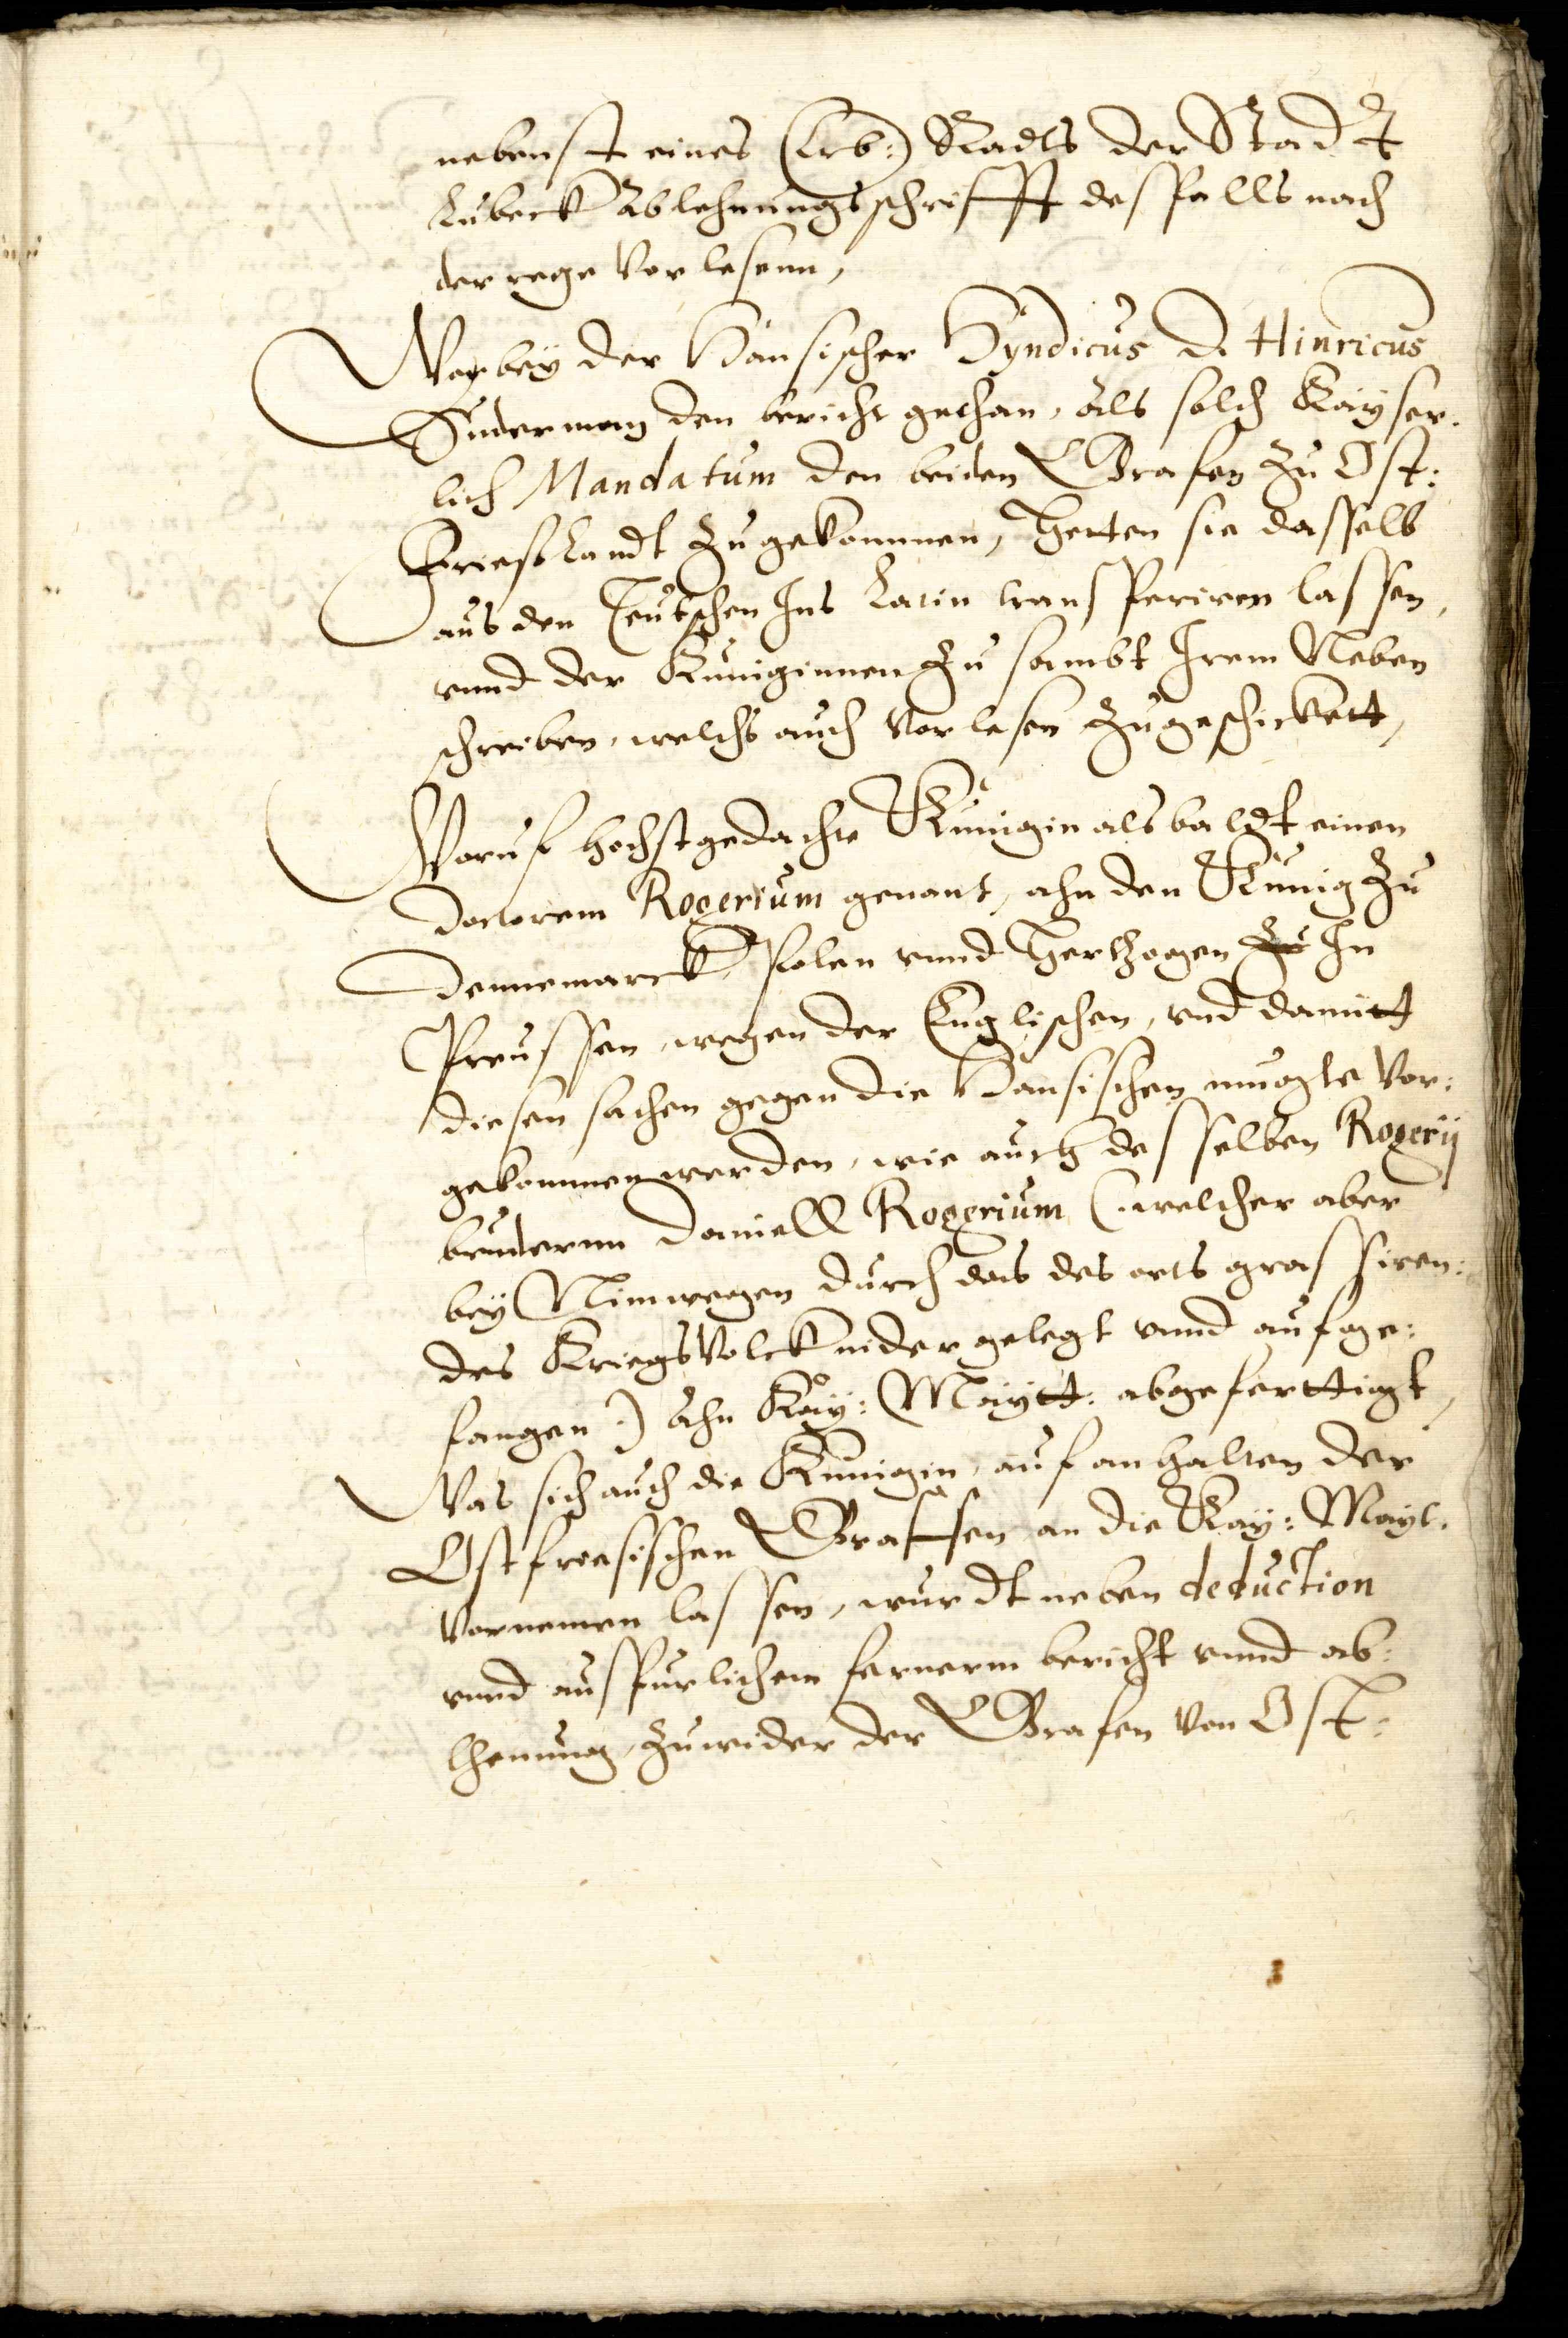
nebenst eines Erb: Radts der Stadtt
Lubeck Ablehnungsschrifft desfalls nach
der wege vorlesenn,
Werbeij der Hansischer Syndicus D. Hinricus
Suderman den bericht gethan, als solch Kaijser¬
lich Mandatum den beiden Grafen zu Ost¬
Frießlandt zugekommen, hetten sie dasselb
aus den Teutschen Jns Latin transferiren lassen,
vnnd der Kuniginnen zu sambt Jrem Neben
schreiben, welchs auch vorlesen zugeschickett,
Woruf hochstgedachte Kunigin alsbaldt einen
Doctorem Rogerium genant , ahn den Kunig zu
Dennemack, Polen vnnd Hertzogen zu Jn
Preussen wegen der Englischen, und damitt
diesen sachen gegen die Hansischen mugte vor¬
gekommen werden, wie auch desselben Rogerij
beuternn Daniell Rogerium (. welcher aber
beij Nimwegen durch das des orts grassiren¬
des Kriegs Volck nidergelegt vnnd aufge¬
fangen .) ahn Kaij: Maijtt: abgeferttigt,
was sich auch die Kunigin, auf anhalten der
Ostfriesischen Graffen an die Kaij: Maijt.
vornemen lassen, wurdt neben deduction
vnnd ausfurlichem fernerm bericht vnnd ab¬
lhenung, zuwider der Grafen von Ost¬
